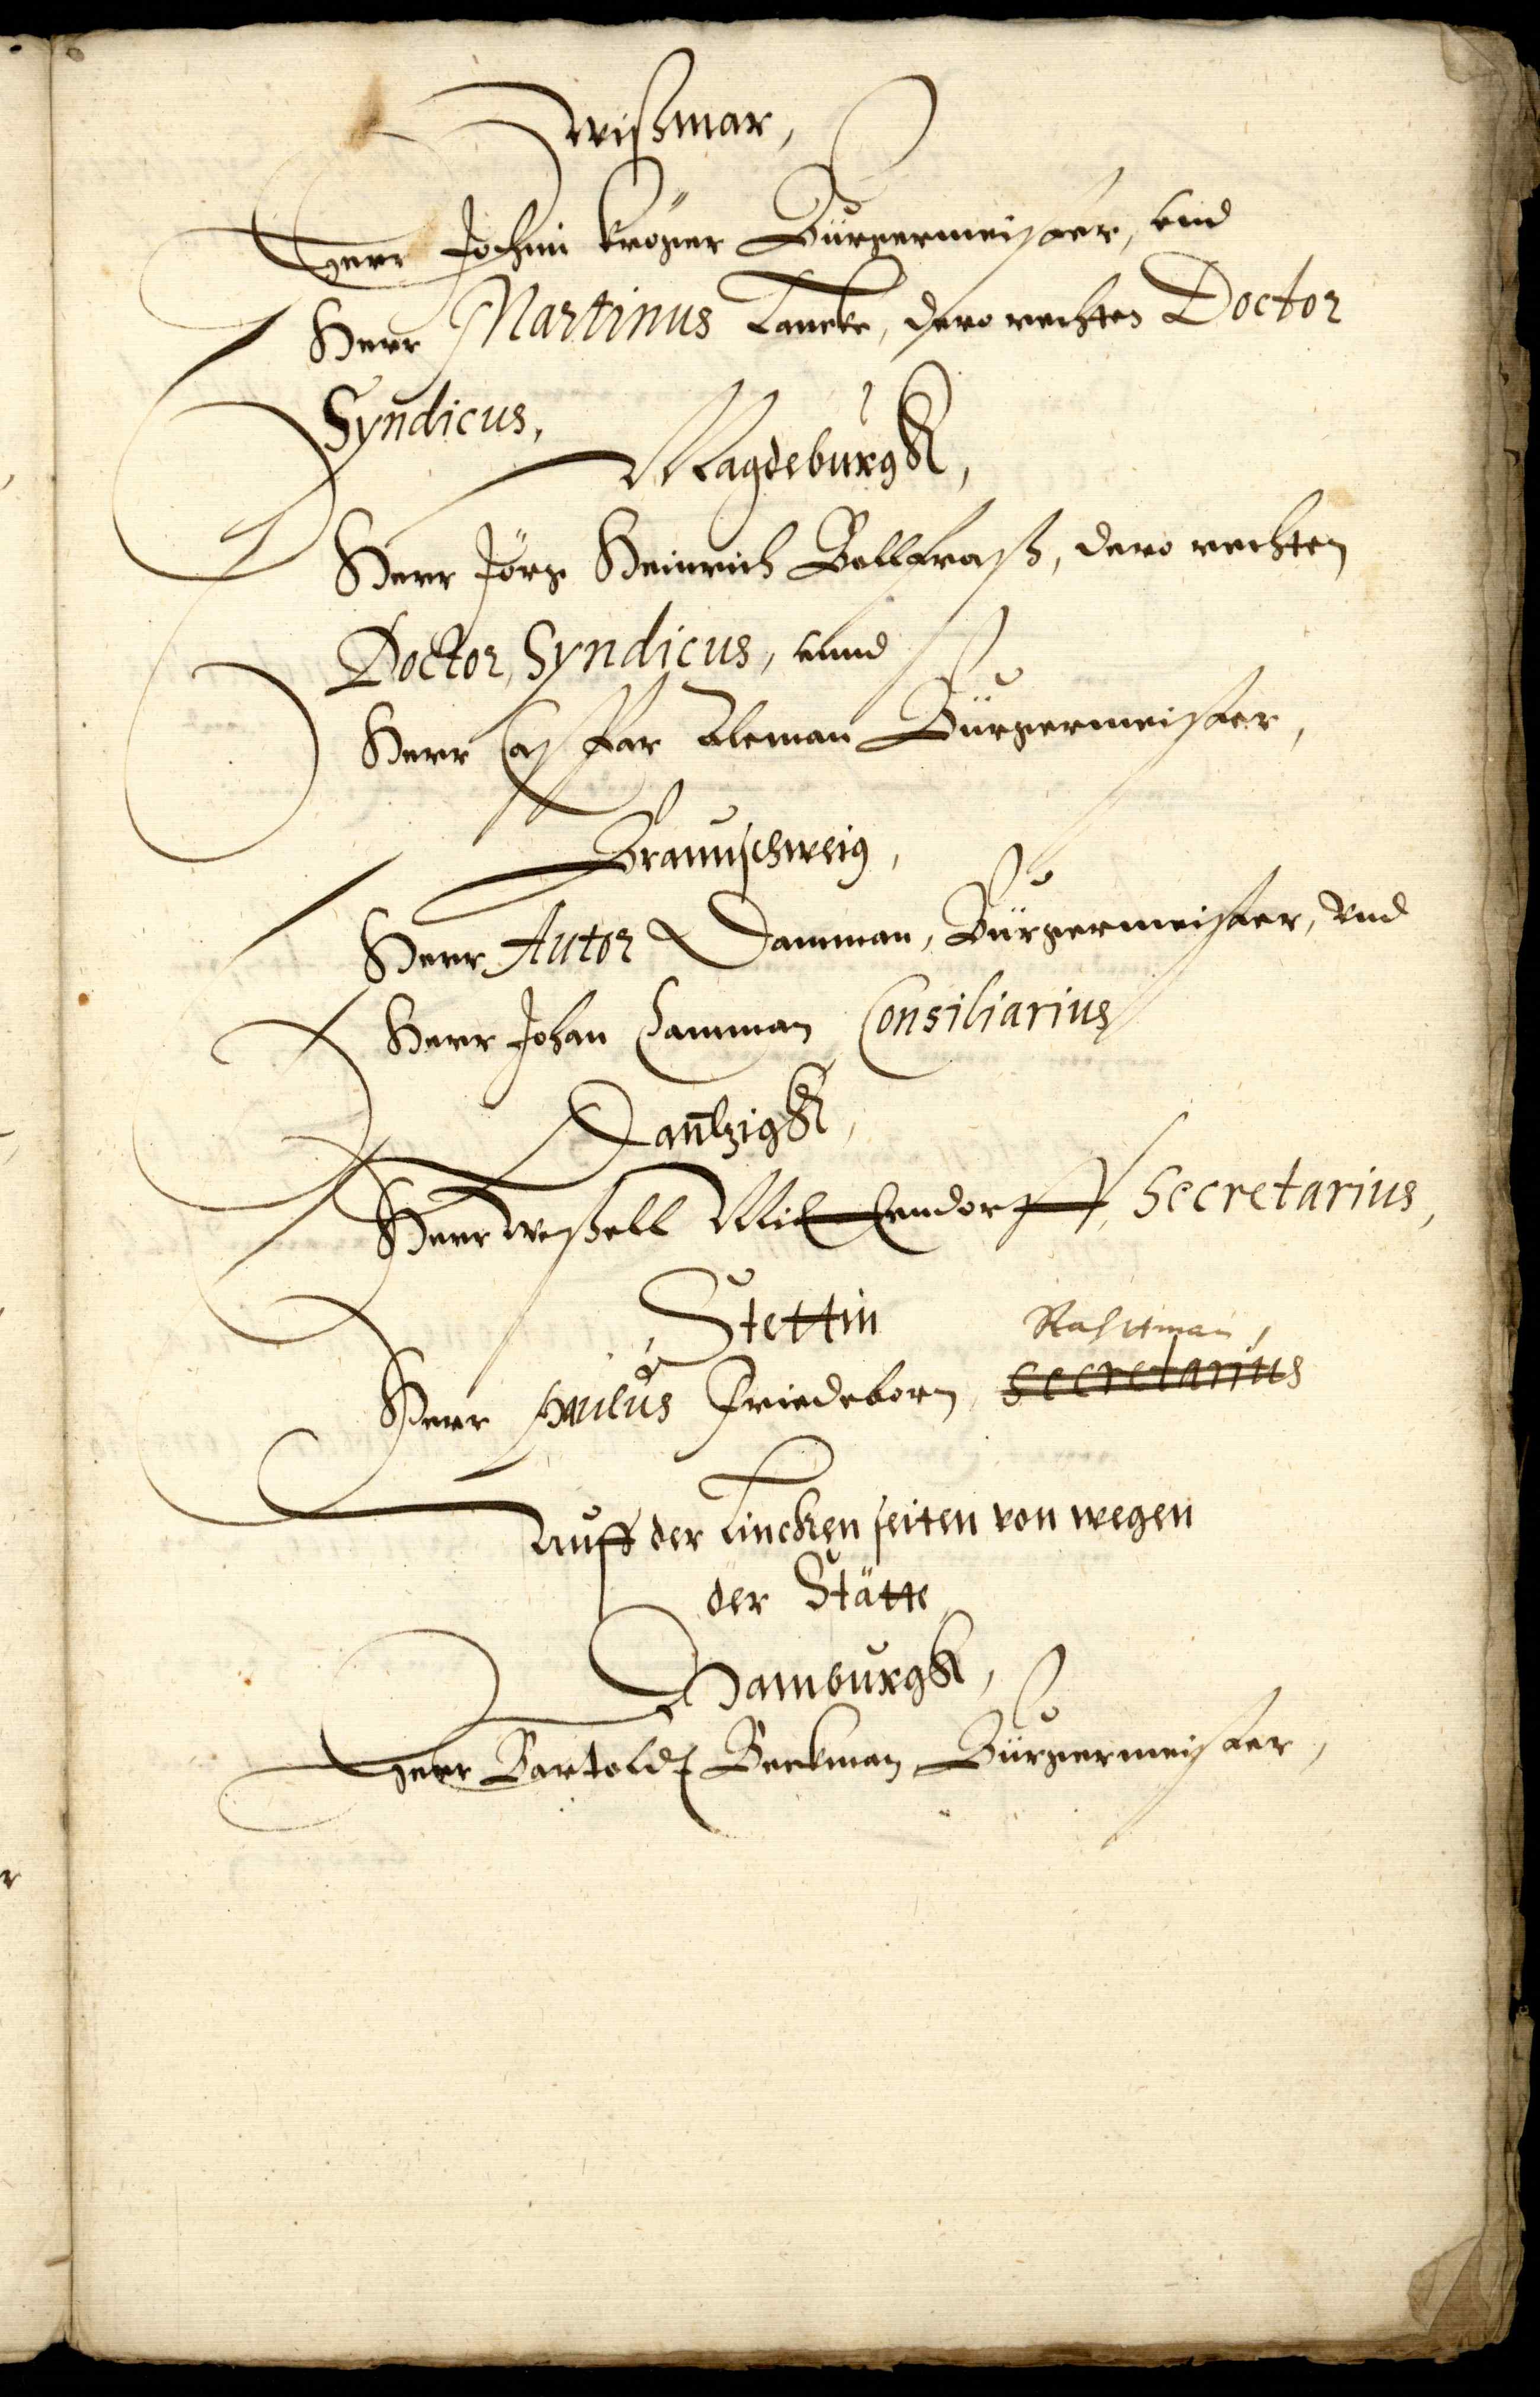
Wißmar,
Hern Iochim Kröger Bürgermeister, vnd
Herr Martinus Laneke, dero rechten Doctor
Syndicus,
Magdeburgk,
Herr Iörg Heinrich Bellfraß , dero rechten
Doctor, Syndicus, vnnd
Herr Caspar Aleman Bürgermeister,
Braunschweig ,
Herr Antor Damman, Bürgermeister, vnd
Herr Iohan Samman, Consiliarius
Dantzigk,
Herr Weßell Mittendorff Secretarius,
Stettin
Rahttman,
Herr Paulus Friedeborn, Secretarius
Auff der Lincken seiten von wegen
der Stätte
Hamburgk,
Herr Bartoldt Beckman Bürgermeister,
